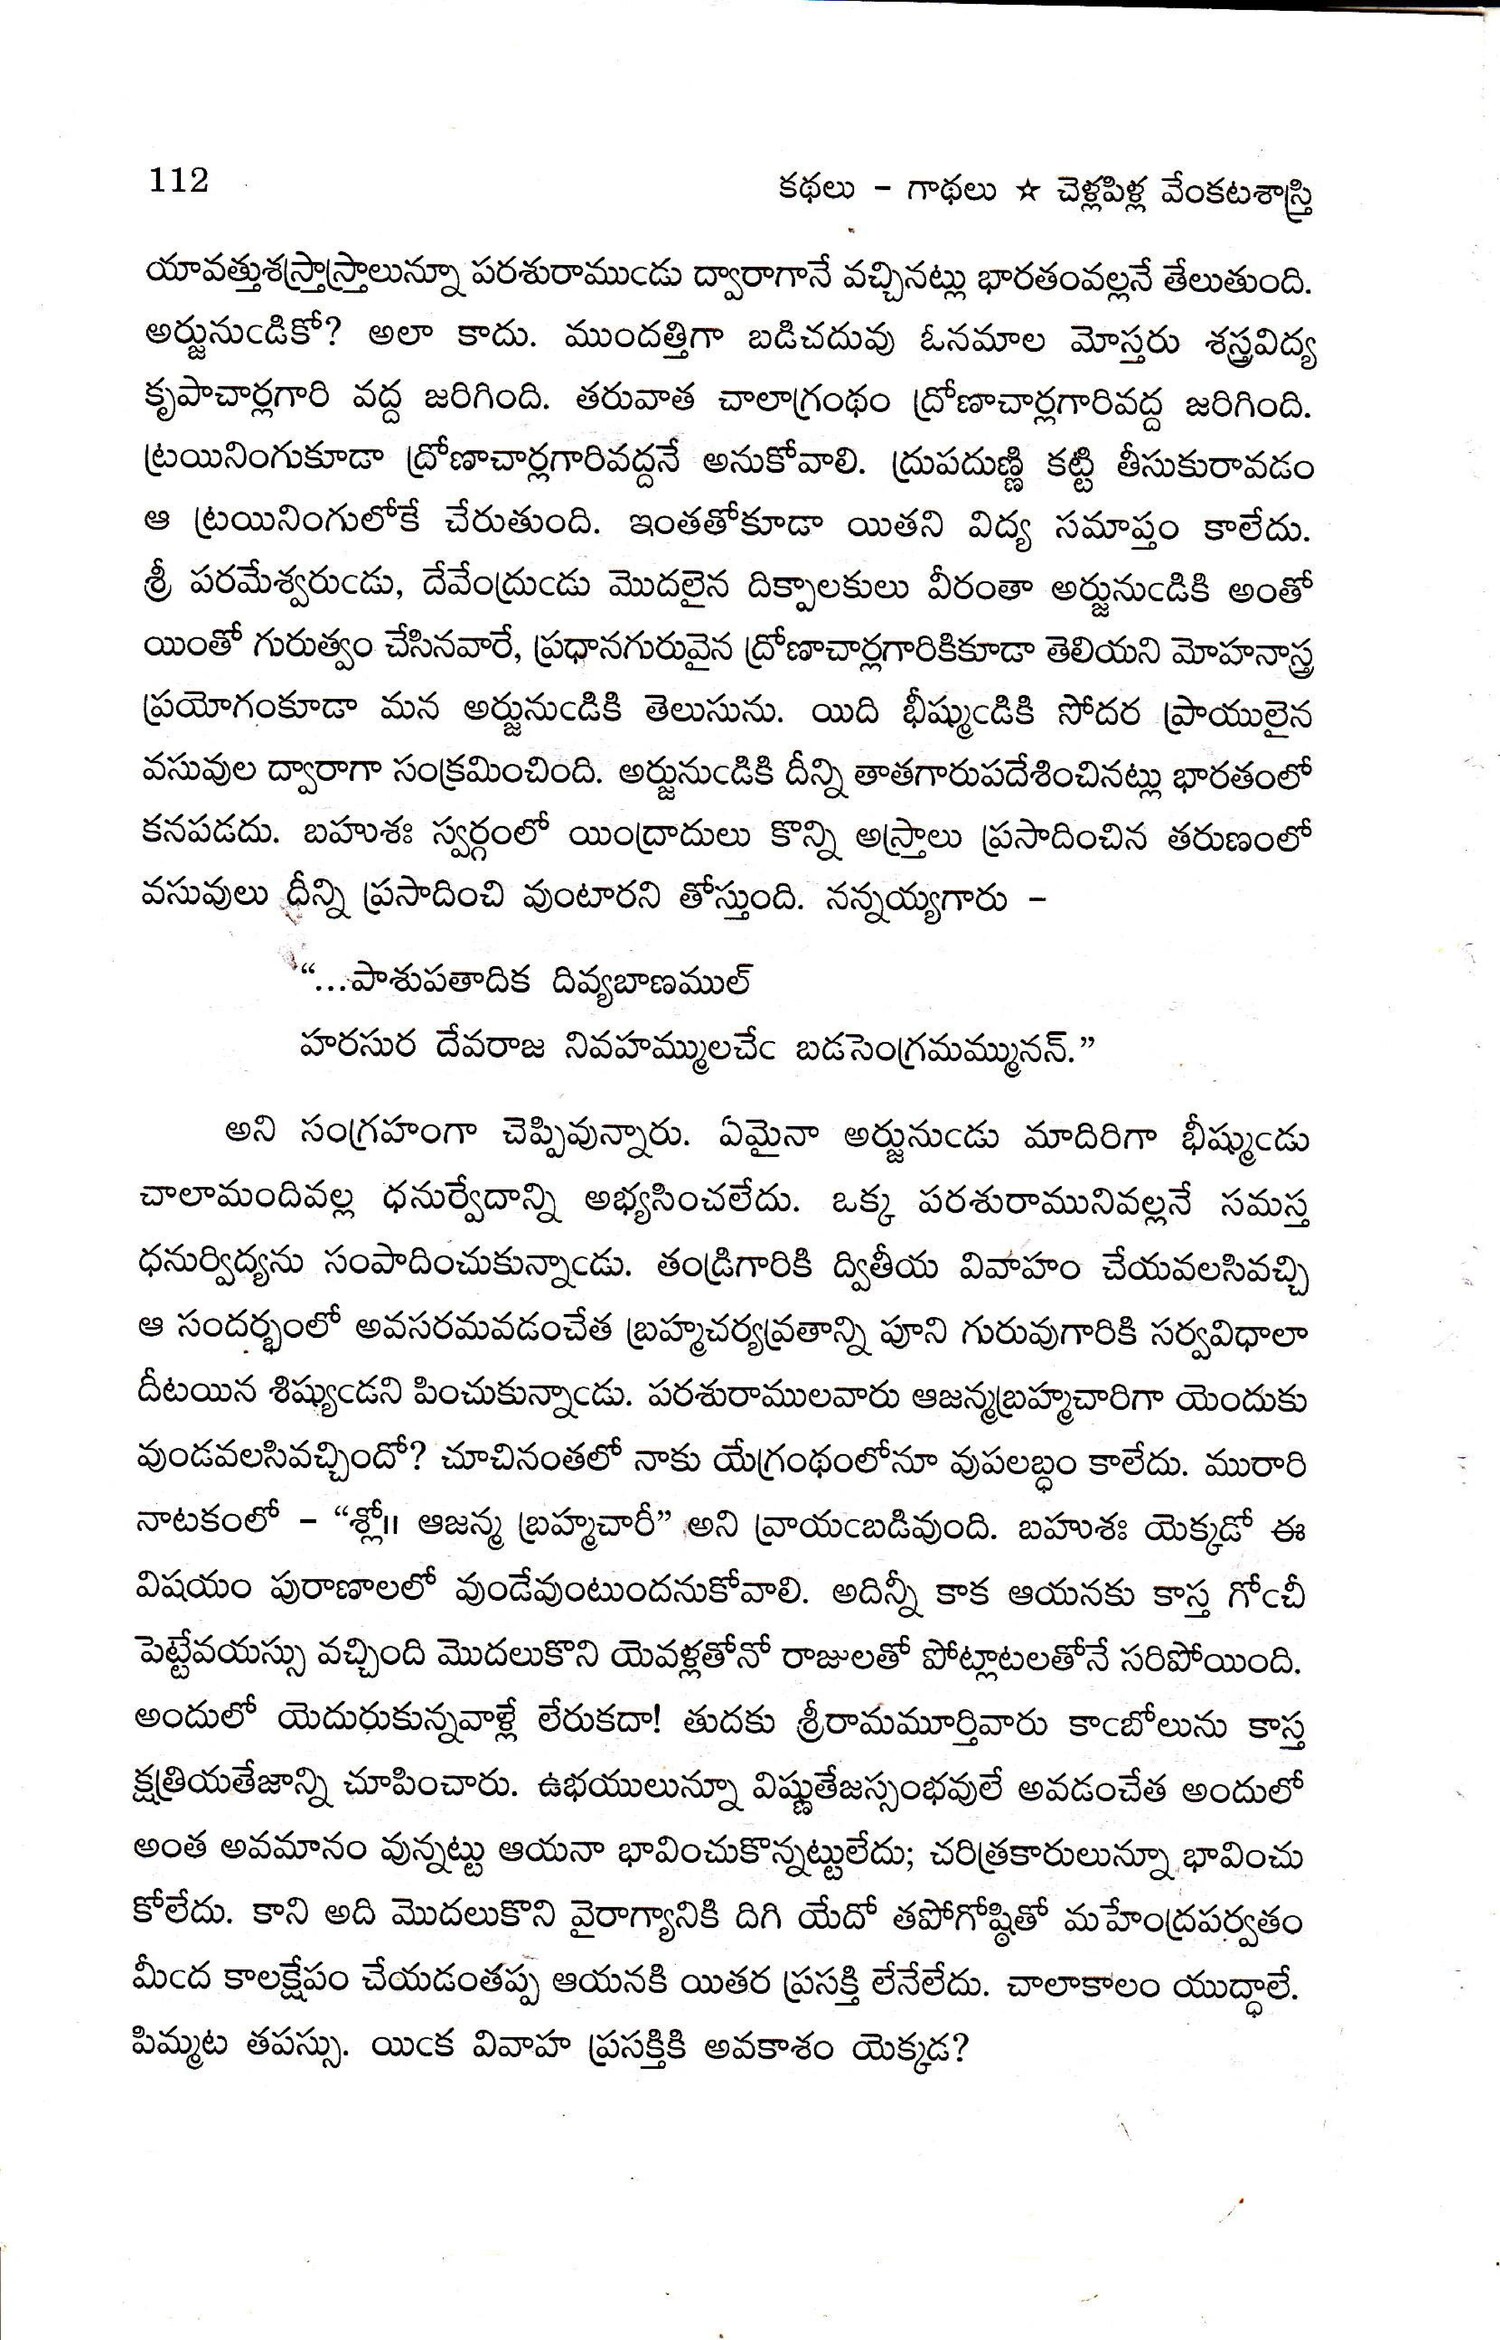యావత్తుశస్తాస్తాలున్నూ పరశురాముండు ద్వారాగానే వచ్చినట్లు భారతంవల్లనే తేలుతుంది. అర్జునుండికో? అలా కాదు. ముందత్తిగా బడిచదువు ఓనమాల మోస్తరు శస్త్రవిద్య కృపాచార్లగారి వద్ద జరిగింది. తరువాత చాలాగ్రంథం ద్రోణాచార్లగారివద్ద జరిగింది. ట్రయినింగుకూడా ద్రోణాచార్లగారివద్దనే అనుకోవాలి. ద్రుపదుణ్ణి కట్టి తీసుకురావడం ఆ ట్రయినింగులోకే చేరుతుంది. ఇంతతోకూడా యితని విద్య సమాప్తం కాలేదు. శ్రీ పరమేశ్వరుండు, దేవేంద్రుండు మొదలైన దిక్పాలకులు వీరంతా అర్జునుండికి అంతో యింతో గురుత్వం చేసినవారే, ప్రధానగురువైన ద్రోణాచార్లగారికికూడా తెలియని మోహనాస్త్ర ప్రయోగంకూడా మన అర్జునుండికి తెలుసును. యిది భీష్ముడికి సోదర ప్రాయులైన వసువుల ద్వారాగా సంక్రమించింది. అర్జునుండికి దీన్ని తాతగారుపదేశించినట్లు భారతంలో కనపడదు. బహుశః స్వర్గంలో యింద్రాదులు కొన్ని అస్తాలు ప్రసాదించిన తరుణంలో వసువులు దీన్ని ప్రసాదించి వుంటారని తోస్తుంది. నన్నయ్యగారు -
"...పాశుపతాదిక దివ్యబాణముల్
హరసుర దేవరాజ నివహమ్ములచేఁ బడసెంగ్రమమ్మునన్."
అని సంగ్రహంగా చెప్పివున్నారు. ఏమైనా అర్జునుండు మాదిరిగా భీష్ముండు చాలామందివల్ల ధనుర్వేదాన్ని అభ్యసించలేదు. ఒక్క పరశురామునివల్లనే సమస్త ధనుర్విద్యను సంపాదించుకున్నాండు. తండ్రిగారికి ద్వితీయ వివాహం చేయవలసివచ్చి &9 సందర్భంలో అవసరమవడంచేత బ్రహ్మచర్యవ్రతాన్ని పూని గురువుగారికి సర్వవిధాలా దీటయిన శిష్యుండని పించుకున్నాండు. పరశురాములవారు ఆజన్మబ్రహ్మచారిగా యెందుకు వుండవలసివచ్చిందో? చూచినంతలో నాకు యేగ్రంథంలోనూ వుపలబ్ధం కాలేదు. మురారి నాటకంలో - "శ్లో ఆజన్మ బ్రహ్మచారీ" అని వ్రాయCబడివుంది. బహుశః యొక్కడో ఈ విషయం పురాణాలలో వుండేవుంటుందనుకోవాలి. అదిన్నీ కాక ఆయనకు కాస్త గోcచీ పెట్టేవయస్సు వచ్చింది మొదలుకొని యెవళ్లతోనో రాజులతో పోట్లాటలతోనే సరిపోయింది. అందులో యెదురుకున్నవాళ్లే లేరుకదా! తుదకు శ్రీరామమూర్తివారు కాంబోలును కాస్త క్షత్రియతేజాన్ని చూపించారు. ఉభయులున్నూ విష్ణుతేజస్సంభవులే అవడంచేత అందులో అంత అవమానం వున్నట్టు ఆయనా భావించుకొన్నట్టులేదు; చరిత్రకారులున్నూ భావించు కోలేదు. కాని అది మొదలుకొని వైరాగ్యానికి దిగి యేదో తపోగోష్టితో మహేంద్రపర్వతం మీఁద కాలక్షేపం చేయడంతప్ప ఆయనకి యితర ప్రసక్తి లేనేలేదు. చాలాకాలం యుద్ధాలే. పిమ్మట తపస్సు, యిఁక వివాహ ప్రసక్తికి అవకాశం యొక్కడ?